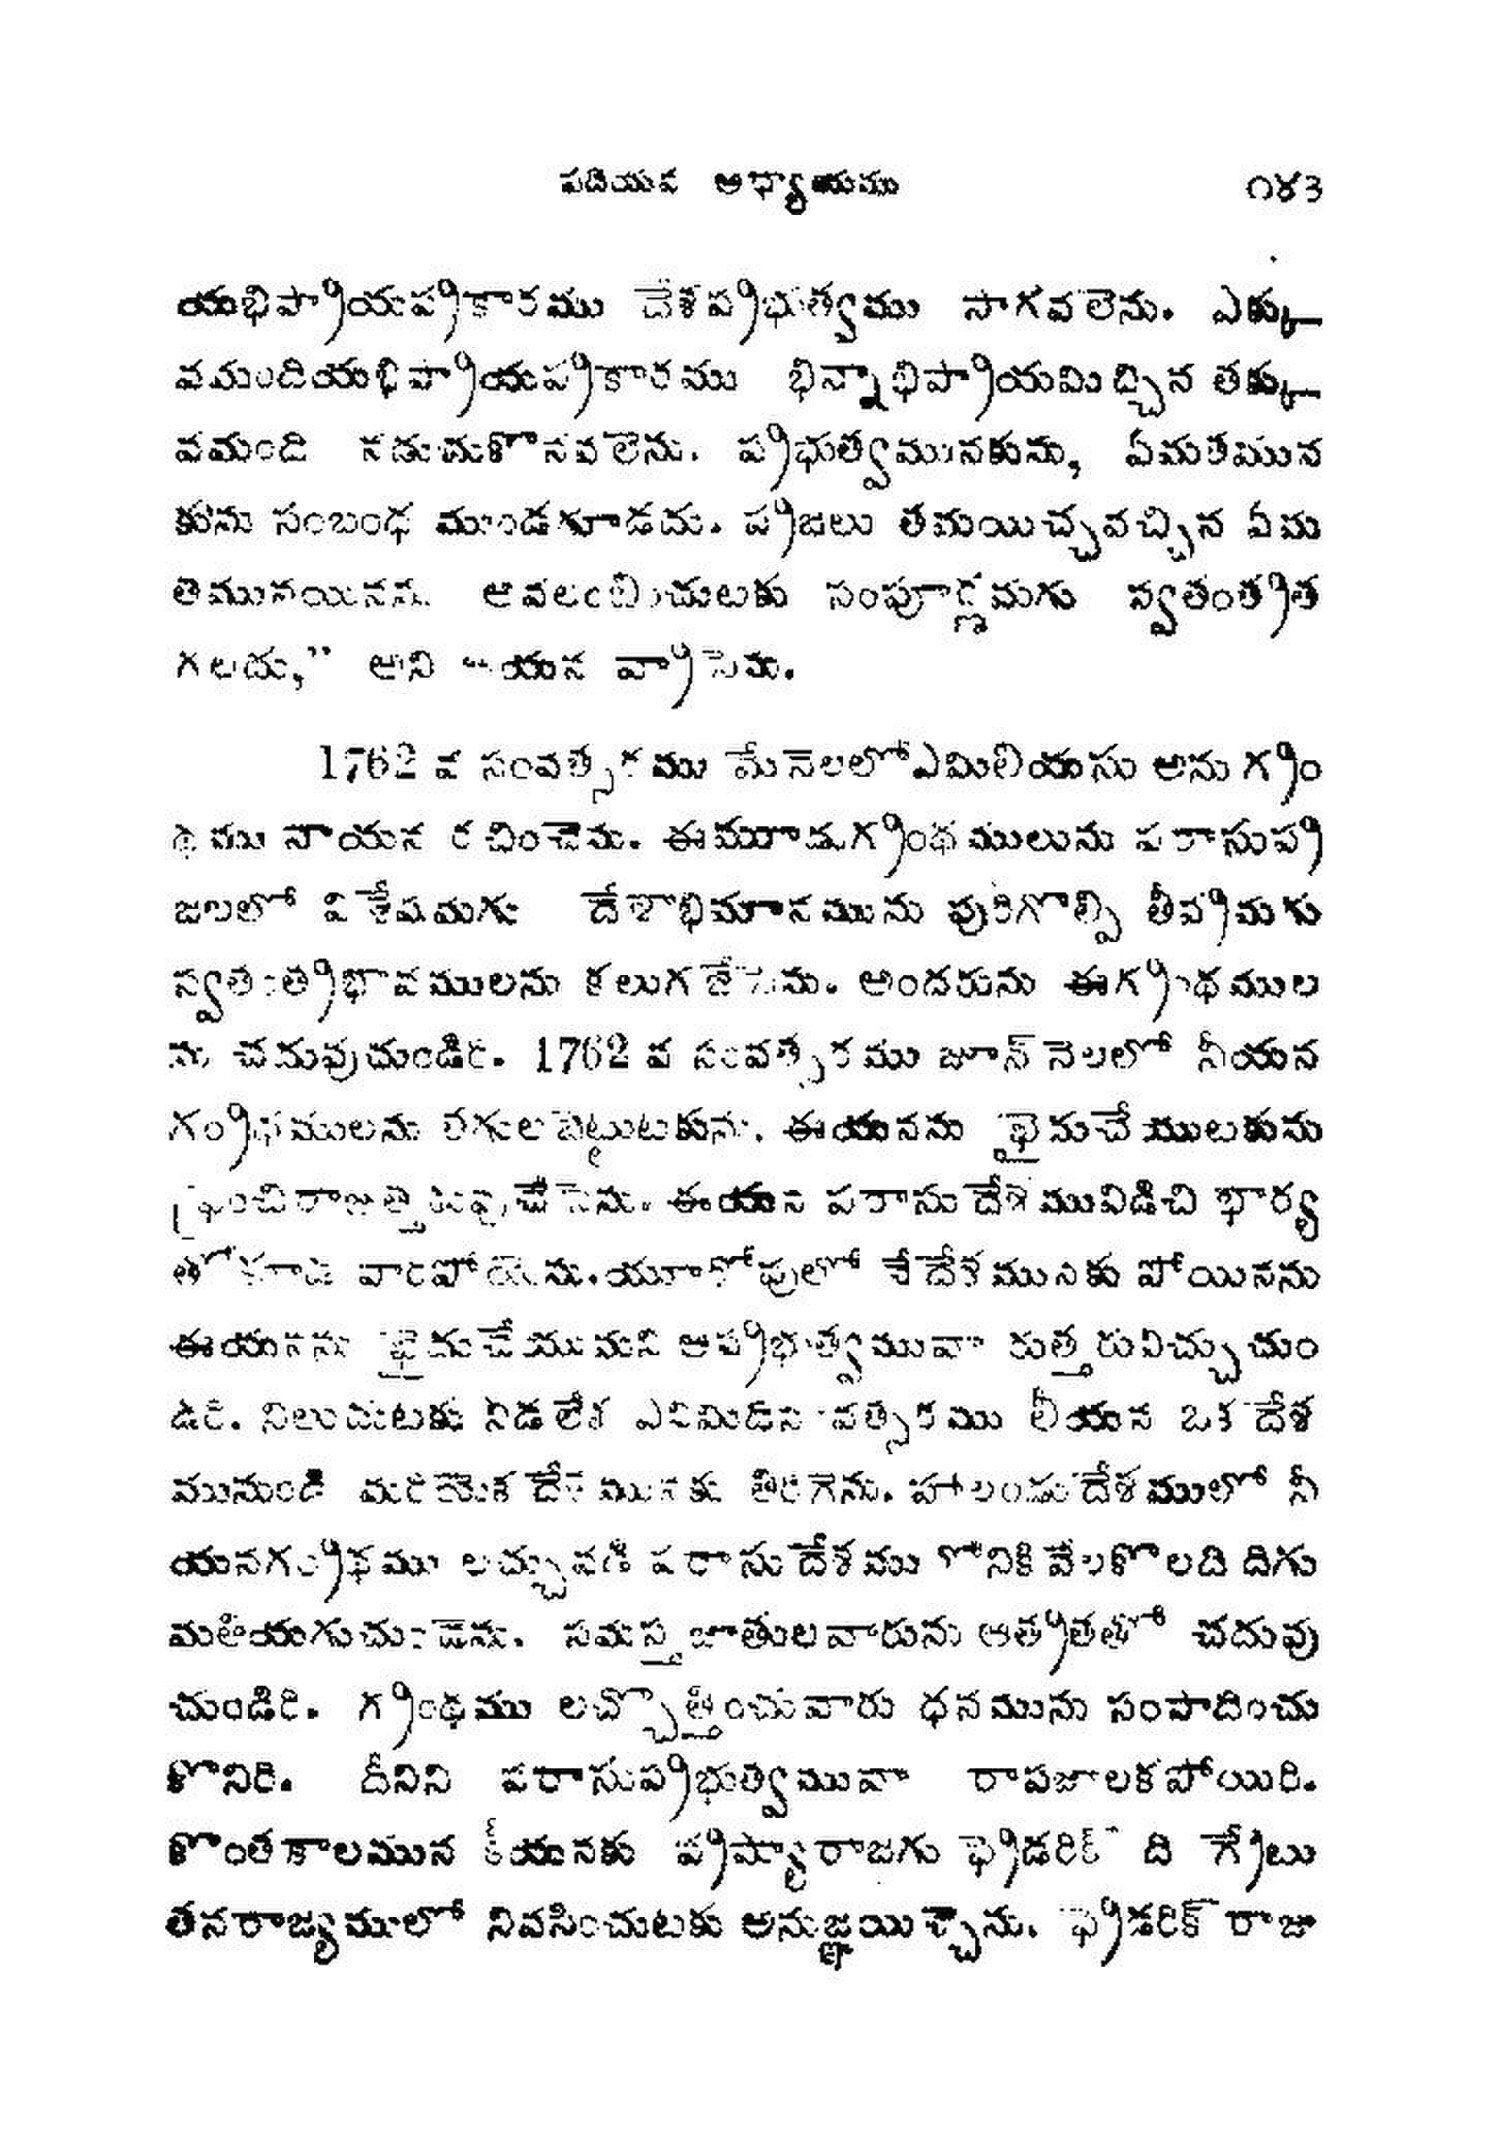యభిప్రాయ ప్రకారము దేశ ప్రభుత్వము సాగవలెను. ఎక్కు
వమందియభిప్రాయుము ప్రకారము భిన్నాభిప్రాయమిచ్చిన తక్కు-
వ మంది నడుచు కొనవలెను. ప్రభుత్వమునకును, ఏమతమున
కుసు సంబందముండ గూడదు. ప్రజలు తమయిచ్చవచ్చిన ఏమ
తమునయినను.ఆవలంబిం చుటకు సంపూర్ణ మగు స్వతంత్రత
గలదు." అని ఆయన వ్రాసెను.

1762 వ సంవత్సరము మేనెలలో ఎమిలియను అనుగ్రం
థము నాయన రచించెను. ఈమూడు గ్రంథ ములును పరాసుప్ర
జలలో విశేషమగు దేశాభిమానమును పురిగొల్పి తీవ్రమకు
స్వత ంత్రతభావములను కలుగజేసెను. అందరును ఈగ్రంథముల
ను చదువుచుండిరి.. 1762 వ సంవత్సరము జూన్ నెలలో నీయన
గ్రంథములను తగులబెట్టుటకును". ఈయనను ఖైదుచే యుటకును
ఫ్రెంచి రాజుత్తరవు చేసెను. ఈయన పరాసు దేశ మువిడిచి భార్య
తోకూడ పారి పోయెసు. యూరోపులో నే దేశమునకు పోయినను
ఈయన ఖైదుచేయుమని ఆ ప్రభుత్వము నారుత్త రువిచ్చుచుం
డిరి. నిలుచుటకు నీడ లేక ఎనిమిది సం వత్సరము లీయన ఒక దేశ
మునుండి మరియొక దేశమునకు తిరిగెను. హాలెండు దేశములో నీ
యన గ్రంథము లచ్చు పడి పరాసు దేశము లోనికి వేల కొలది దిగు
మతియగుచుండెను, సమస్త జాతుల వారును ఆత్రుతతో చదువు
చుండిరి. గ్రంథము లచ్చొత్తించువారు ధనమును సంపాదించు
కొనిరి.దీనిని పరాసు ప్రభుత్వ ము వారాపజాలక పోయిరి.
కొంత కాలమున కీయనకు ప్రష్యా రాజగు ఫెడరిక్" ది గ్రేటు
తన రాజ్యములో నివసించుటకు అనుజ్ఞయిచ్చెను.ఫ్రెడరిక్ రాజు